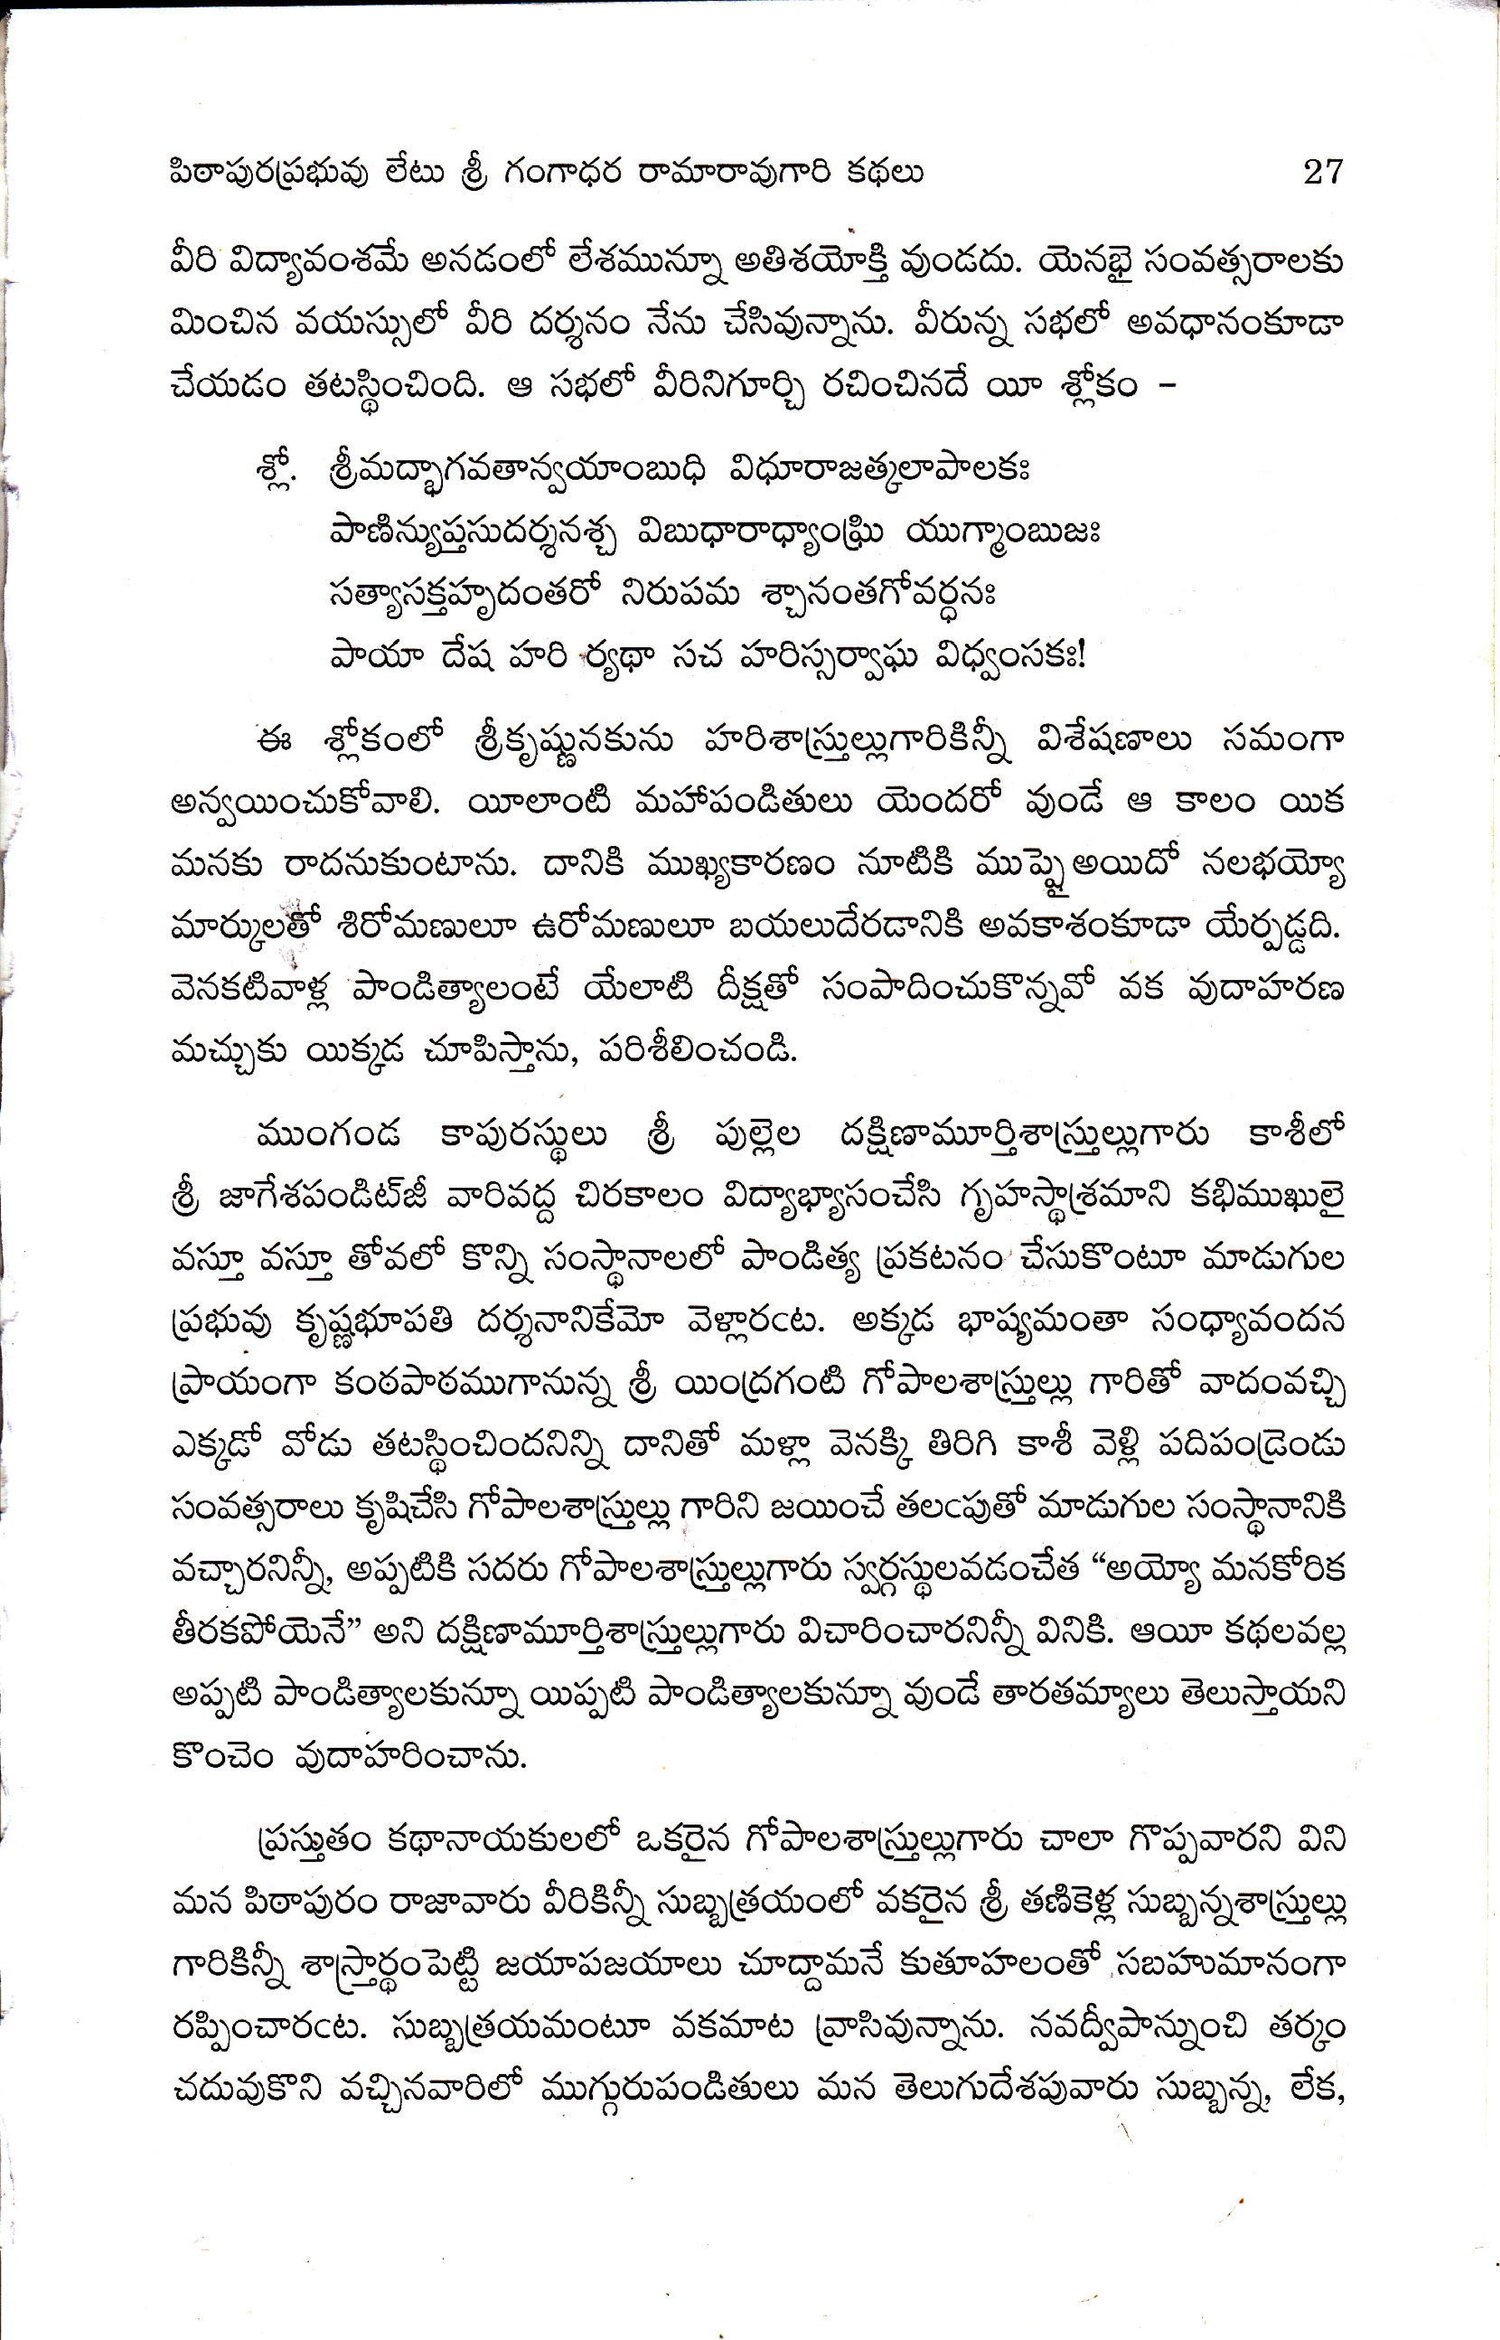వీరి విద్యావంశమే అనడంలో లేశమున్నూ అతిశయోక్తి వుండదు. యెనభై సంవత్సరాలకు మించిన వయస్సులో వీరి దర్శనం నేను చేసివున్నాను. వీరున్న సభలో అవధానంకూడా చేయడం తటస్థించింది. ఆ సభలో వీరినిగూర్చి రచించినదే యీ శ్లోకం -

శ్లో. శ్రీమద్భాగవతాన్వయాంబుధి విధూరాజత్కలాపాలకః
పాణిన్యుప్తసుదర్శనశ్చ విబుధారాధ్యాంఫ్రిు యుగ్మాంబుజః 
సత్యాసక్తహృదంతరో నిరుపమ శ్చానంతగోవర్ధనః
పాయా దేష హరి ర్యథా సచ హరిస్సర్వాఘ విధ్వంసకః!

ఈ శ్లోకంలో శ్రీకృష్ణునకును హరిశాస్తుల్లుగారికిన్నీ విశేషణాలు సమంగా అన్వయించుకోవాలి. యీలాంటి మహాపండితులు యెందరో వుండే ఆ కాలం యిక మనకు రాదనుకుంటాను. దానికి ముఖ్యకారణం నూటికి ముప్మె అయిదో నలభయ్యో మార్కులతో శిరోమణులూ ఉరోమణులూ బయలుదేరడానికి అవకాశంకూడా యేర్పడ్డది. వెనకటివాళ్ల పాండిత్యాలంటే యేలాటి దీక్షతో సంపాదించుకొన్నవో వక వుదాహరణ మచ్చుకు యిక్కడ చూపిస్తాను, పరిశీలించండి.

ముంగండ కాపురసులు శ్రీ పుల్లెల దక్షిణామూర్తిశాస్రులుగారు కాశీలో శ్రీ జాగేశపండిట్జీ వారివద్ద చిరకాలం విద్యాభ్యాసంచేసి గృహస్థాశ్రమాని కభిముఖులై వస్తూ వస్తూ తోవలో కొన్ని సంస్థానాలలో పాండిత్య ప్రకటనం చేసుకొంటూ మాడుగుల ప్రభువు కృష్ణభూపతి దర్శనానికేమో వెళ్లారంట. అక్కడ భాష్యమంతా సంధ్యావందన ప్రాయంగా కంఠపాఠముగానున్న శ్రీ యింద్రగంటి గోపాలశాస్రుల్లు గారితో వాదంవచ్చి ఎక్కడో వోడు తటస్థించిందనిన్ని దానితో మళ్లా వెనక్కి తిరిగి కాశీ వెళ్లి పదిపండ్రెండు సంవత్సరాలు కృషిచేసి గోపాలశాస్రుల్లు గారిని జయించే తలంపుతో మాడుగుల సంస్థానానికి వచ్చారనిన్నీ అప్పటికి సదరు గోపాలశాస్రుల్లుగారు స్వర్గస్టులవడంచేత "అయ్యో మనకోరిక తీరకపోయెనే” అని దక్షిణామూర్తిశాస్రుల్లుగారు విచారించారనిన్నీ వినికి. ఆయీ కథలవల్ల అప్పటి పాండిత్యాలకున్నూయిప్పటి పాండిత్యాలకున్నూ వుండే తారతమ్యాలు తెలుస్తాయని కొంచెం వుదాహరించాను.

ప్రస్తుతం కథానాయకులలో ఒకరైన గోపాలశాస్రుల్లుగారు చాలా గొప్పవారని విని మన పిఠాపురం రాజావారు వీరికిన్నీసుబ్బత్రయంలో వకరైన శ్రీ తణికెళ్ల సుబ్బన్నశాస్రుల్లు గారికిన్నీ శాస్తార్ధంపెట్టి జయాపజయాలు చూద్దామనే కుతూహలంతో సబహుమానంగా రప్పించారంట. సుబ్బత్రయమంటూ వకమాట వ్రాసివున్నాను. నవద్వీపాన్నుంచి తర్కం చదువుకొని వచ్చినవారిలో ముగ్గురుపండితులు మన తెలుగుదేశపువారు సుబ్బన్న లేక,